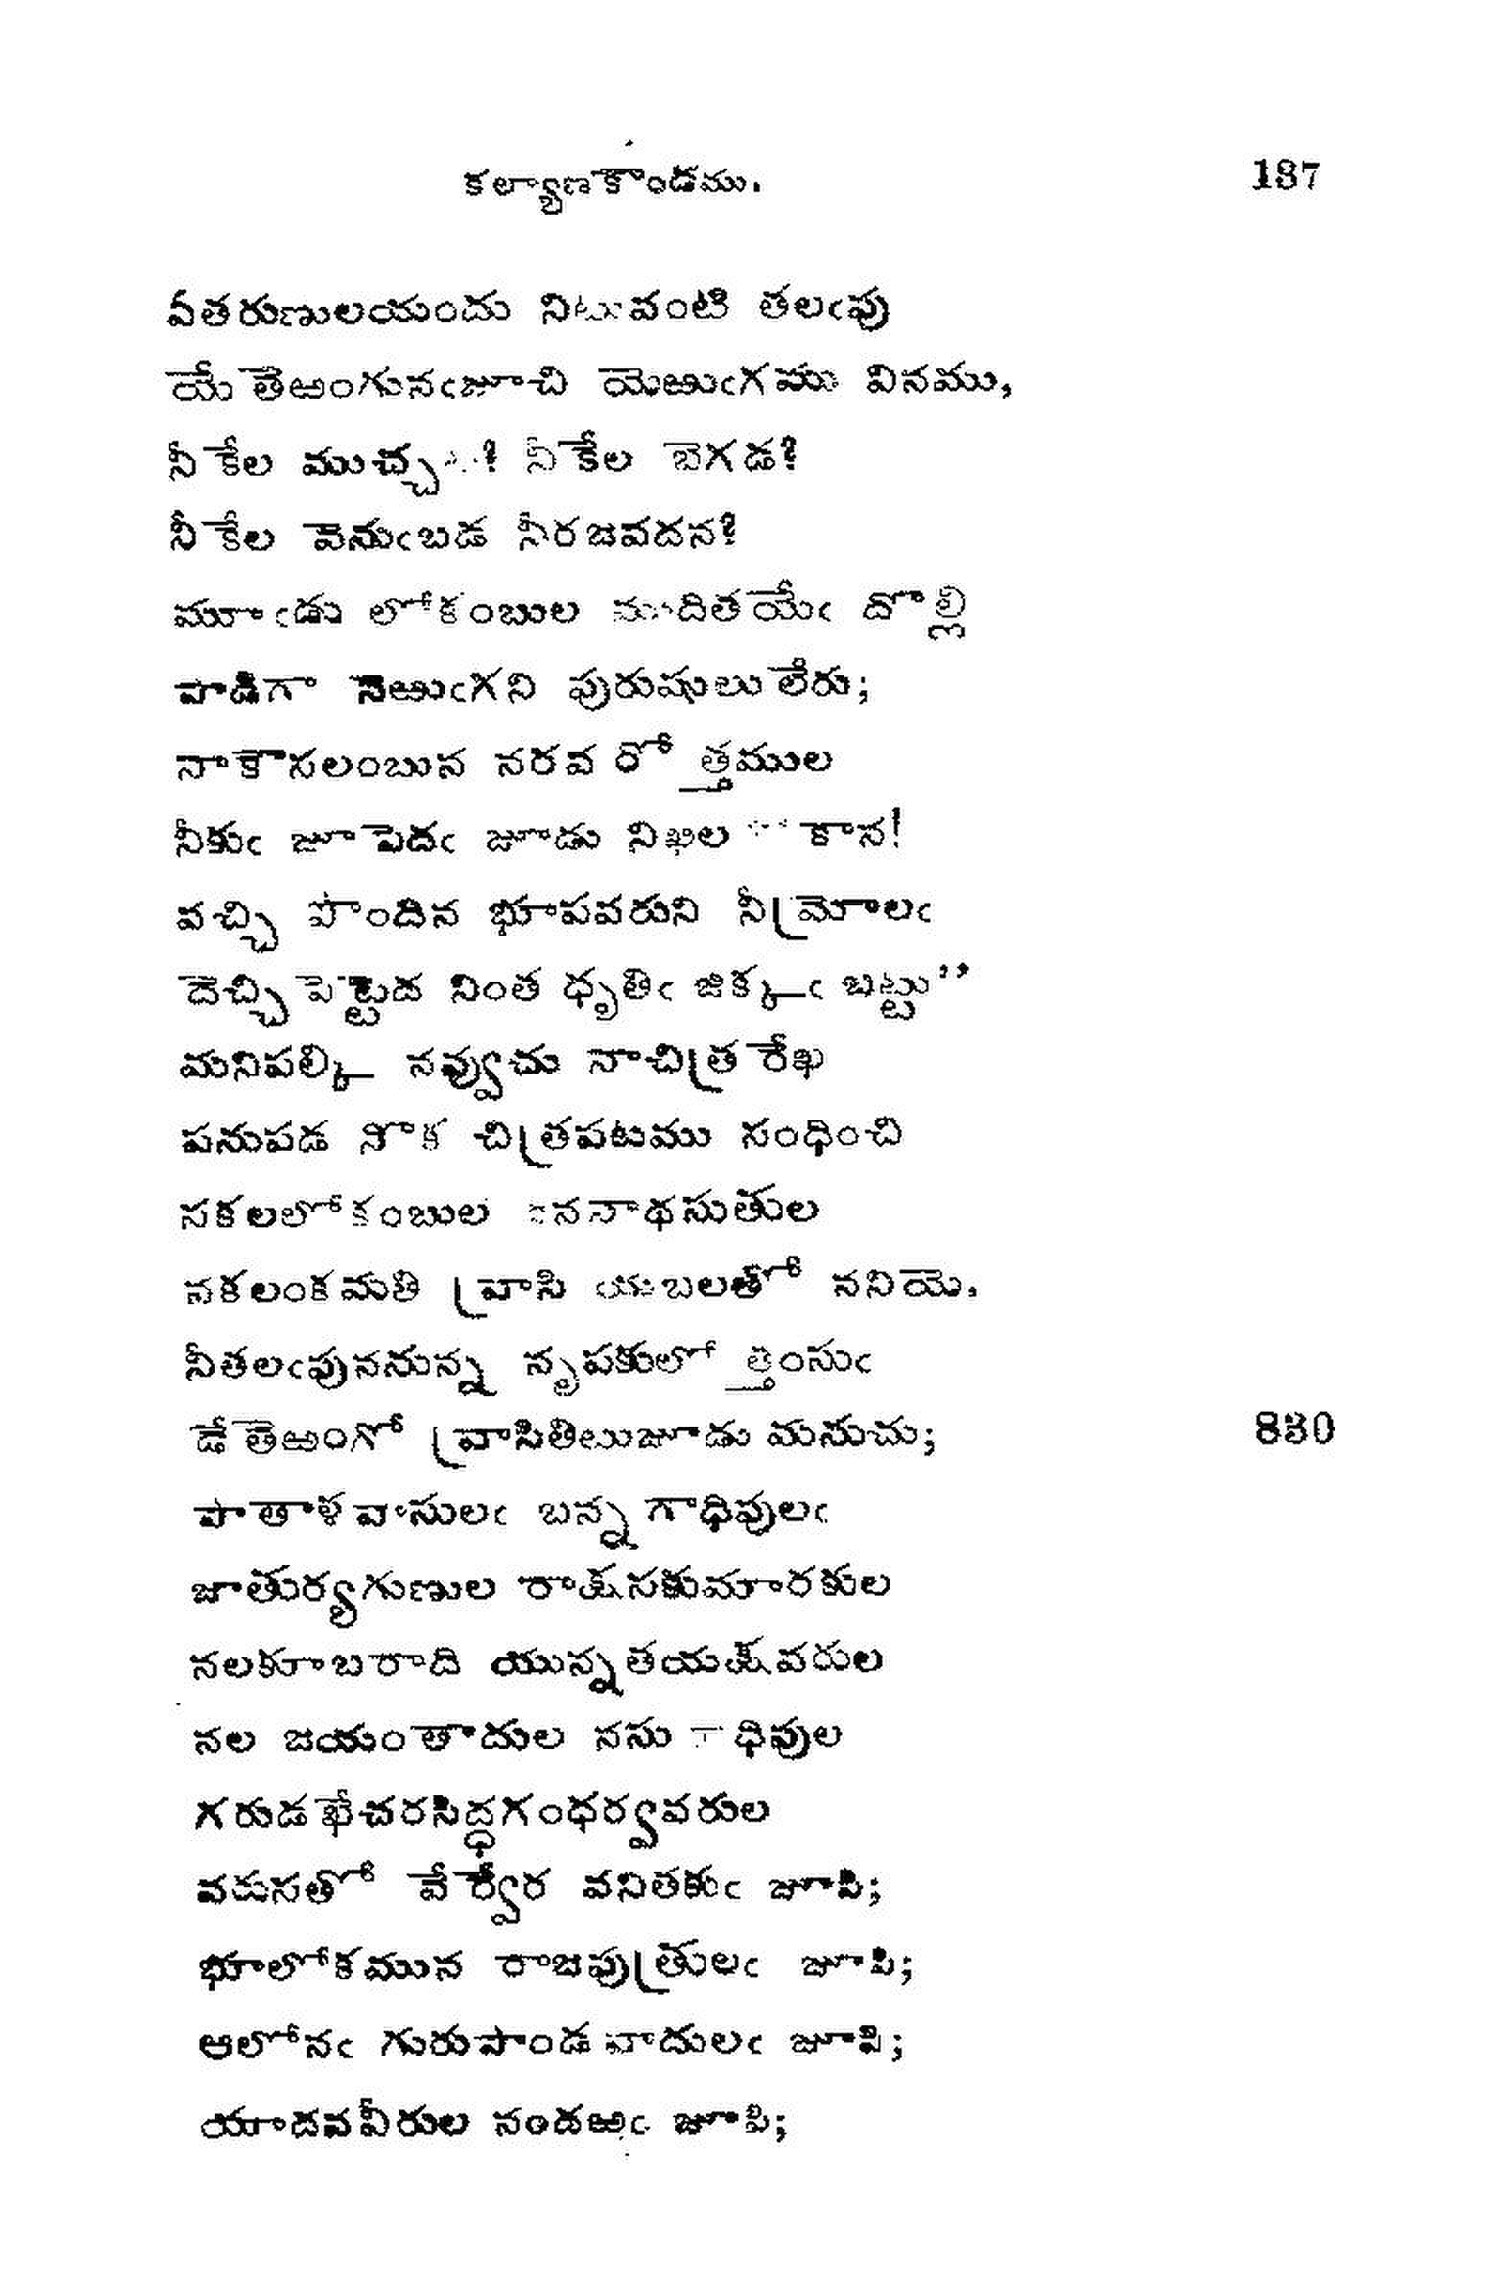ఏతరుణులయందు నిటువంటి తలఁపు
యే తెఱంగునఁ జూచి యెఱుఁగము వినము, 
నీకేల ముచ్చట? నీకేల బెగడ? 
నీకేల వెనుఁబడ నీరజవదన? 
మూఁడు లోకంబుల ముదితయేఁదొల్లి
పాడిగా నెఱుఁగని పురుషులు లేరు; 
నా కౌసలంబున నరవరోత్తముల
నీకుఁ జూపెదఁ జూడు నిఖిలలోకాన! 
వచ్చి పొందిన భూపవరుని నీమ్రోలఁ
దెచ్చి పెట్టెద నింత ధృతిఁ జిక్కఁబట్టు”
మనిపల్కి నవ్వుచు నాచిత్రరేఖ
పనుపడ నొక చిత్రపటము సంధించి
సకలలోకంబుల జననాథసుతుల
నకలంకమతి వ్రాసి యబలతో ననియె. 
“నీతలఁపుననున్ననృపకులోత్తంసుఁ
డేతెఱంగో వ్రాసితిటుజూడు” మనుచు; 
పాతాళవాసులఁ బన్నగాధిపులఁ
జాతుర్యగుణుల రాక్షసకుమారకుల
నలకూబరాది యున్నత యక్షవరుల
నలజయంతాదుల నసురాధిపులను
గరుడఖేచరసిద్ధగంధర్వవరుల
వరుసతో వేర్వేర వనితకుఁ జూపి; 
ఆలోనఁ గురుపాండవాదులఁ జూపి; 
యాదవవీరుల నందఱఁజూపి;